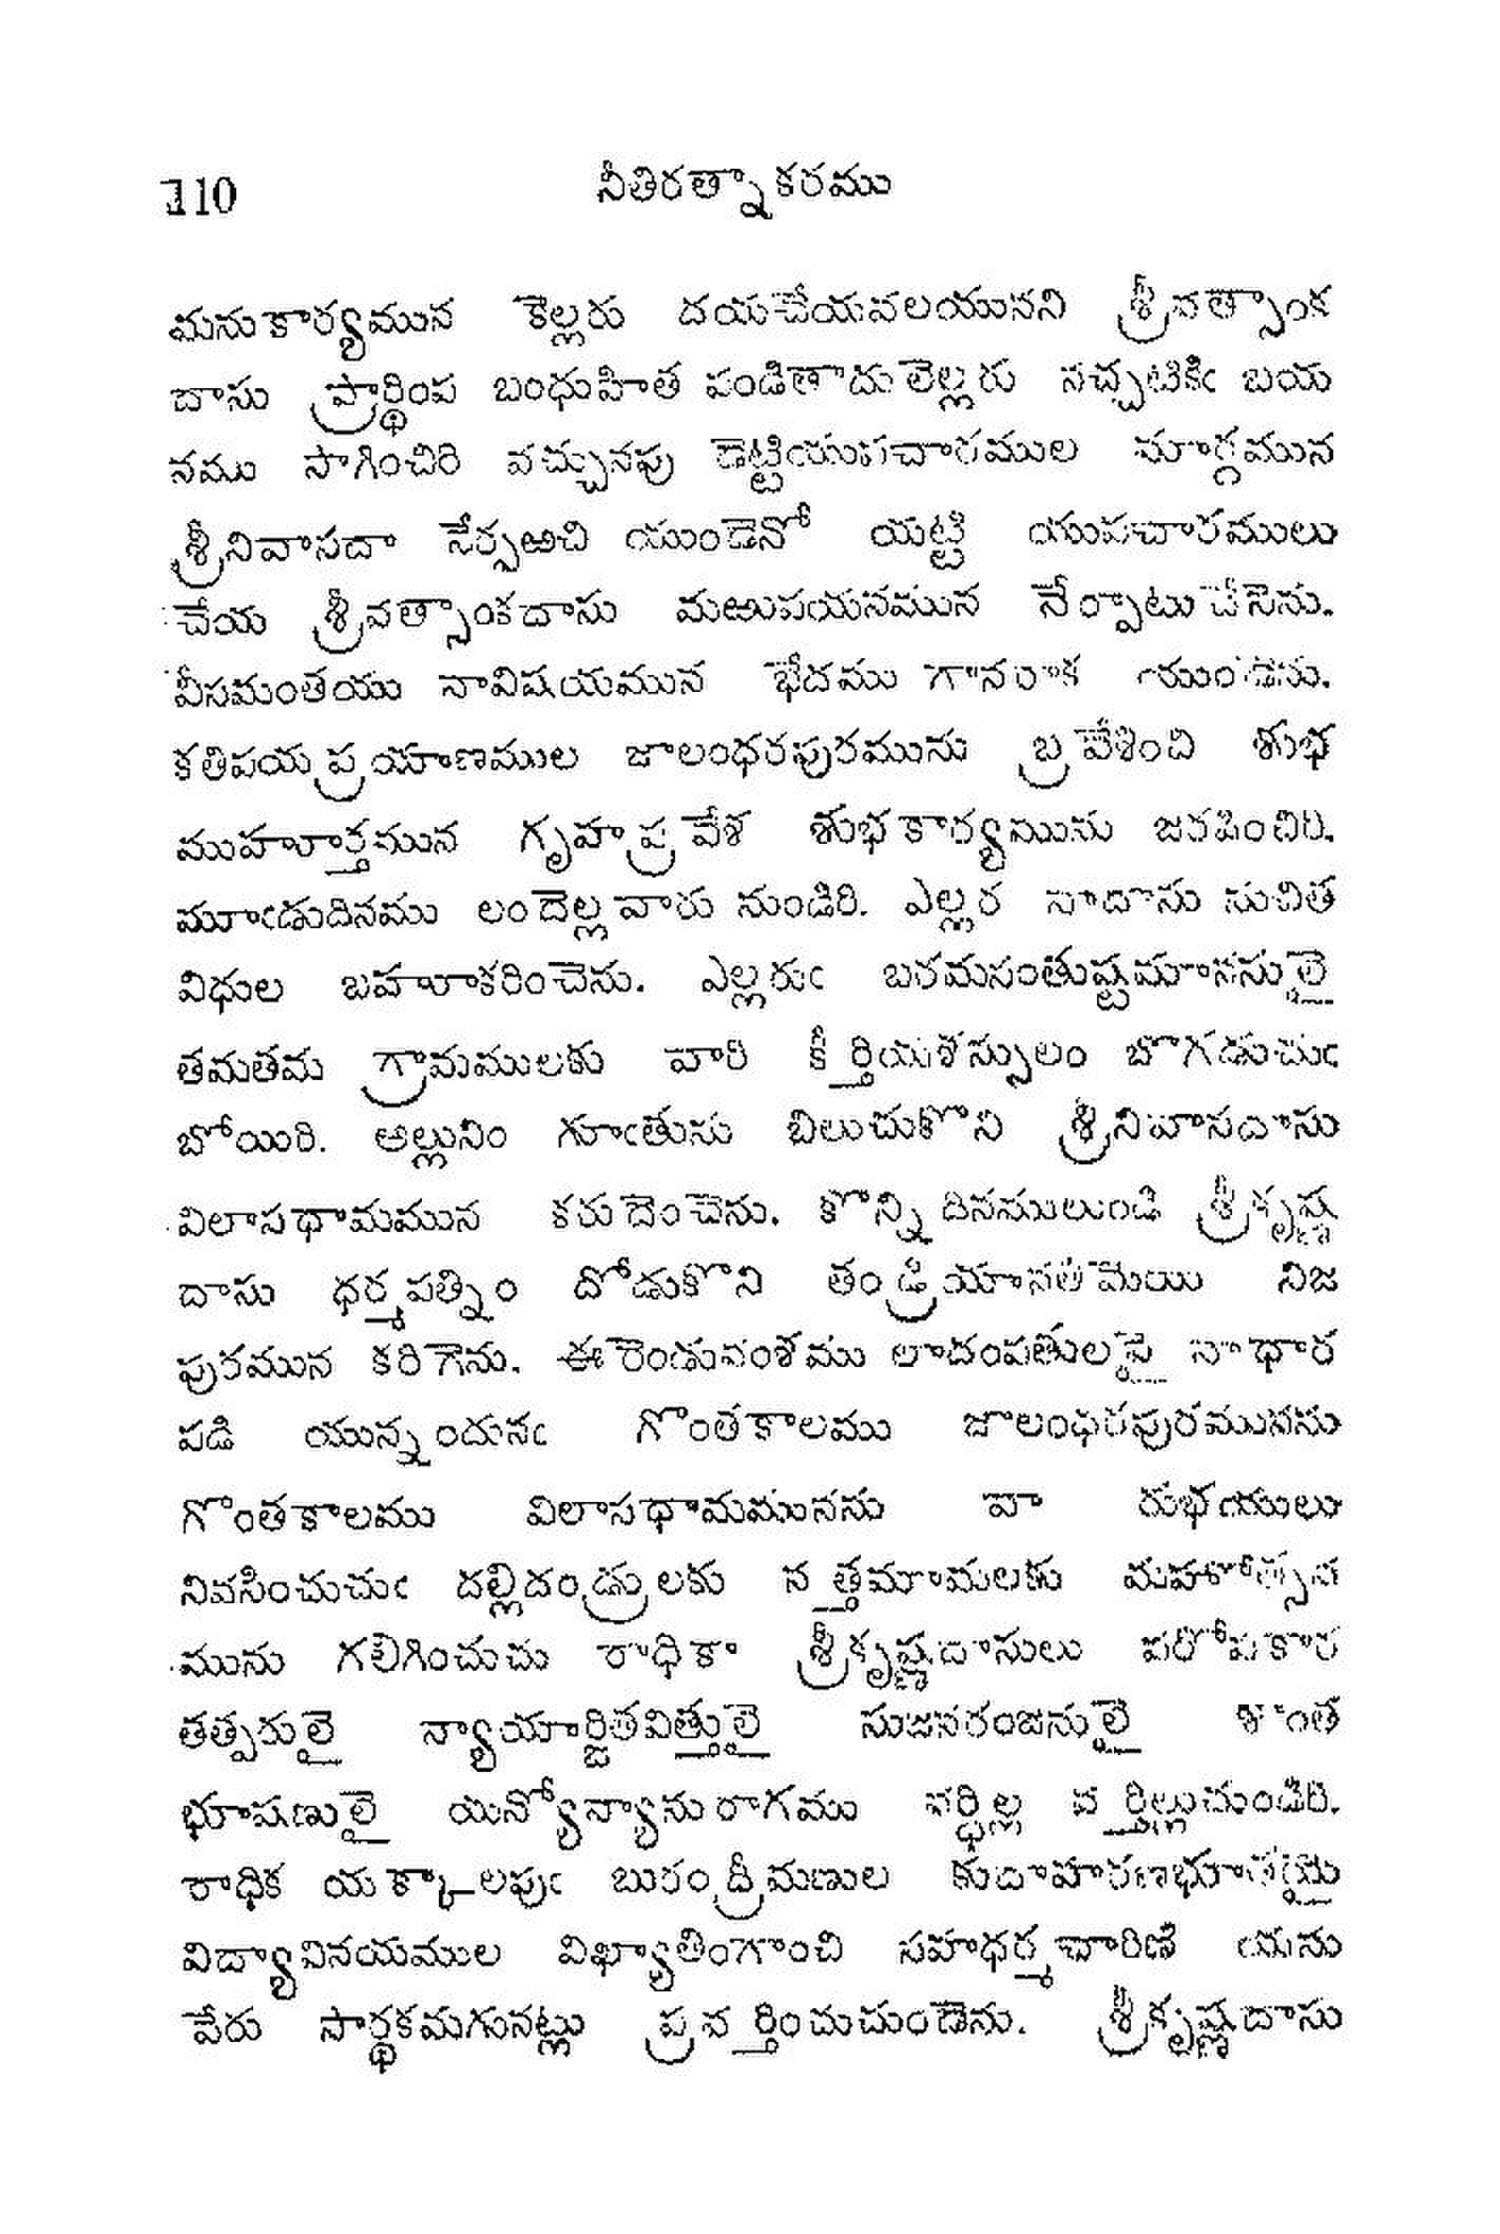మనుకార్యమున కెల్లరు దయచేయవలయునని శ్రీవత్సాంకదాసు ప్రార్ధింప బంధుహిత పండితాదు లెల్లరు నచ్చటికిఁ బయనము సాగించిరి. వచ్చునపు డెట్టియుపచారముల మార్గమున శ్రీనివాసదాసేర్పఱచి యుండెనో యట్టి యుపచారములు చేయ శ్రీవత్సాంకదాసు మఱుపయనమున నేర్పాటుచేసెను. వీసమంతయు నావిషయమున భేదము గానరాక యుండెను. కతిపయ ప్రయాణముల జాలంధరపురమును బ్రవేశించి శుభముహూర్తమున గృహప్రవేశ శుభకార్యమును జరపించిరి. మూఁడుదినము లందెల్లవారు నుండిరి. ఎల్లర నాదాసు సుచిత విధుల బహూకరించెను. ఎల్లరుఁ బరమసంతుష్టమానసులై తమతమ గ్రామములకు వారి కీర్తియశస్సులం బొగడుచుఁ బోయిరి. అల్లునిం గూఁతును బిలుచుకొని శ్రీనివాసదాసు విలాసధామమున కరుదెంచెను. కొన్ని దినములుండి శ్రీకృష్ణదాసు ధర్మపత్నిం దోడుకొని తండ్రియానతిమెయి నిజపురమున కరిగెను. ఈ రెండువంశము లాదంపతులపై నాధారపడి యున్నందున గొంతకాలము జలంధరపురమునను గొంతకాలము విలాసధామమునను వా రుభయులు నివసించుచుఁ దల్లిదండ్రులకు నత్తమాములకు మహోత్సవమును గలిగించుచు రాధికా శ్రీకృష్ణదాసులు పరోపకార తత్పరులై న్యాయార్జితవిత్తులై సుజనరంజనులై శాంతభూషణులై యన్యోన్యానురాగము వర్దిల్ల వర్తిల్లుచుండిరి. రాధిక యక్కాలపుఁ బురంద్రీమణుల కుదాహరణభూతయై విద్యావినయముల విఖ్యాతింగాంచి సహధర్మచారిణి యను పేరు సార్థకమగునట్లు ప్రవర్తించుచుండెను. శ్రీకృష్ణదాసు